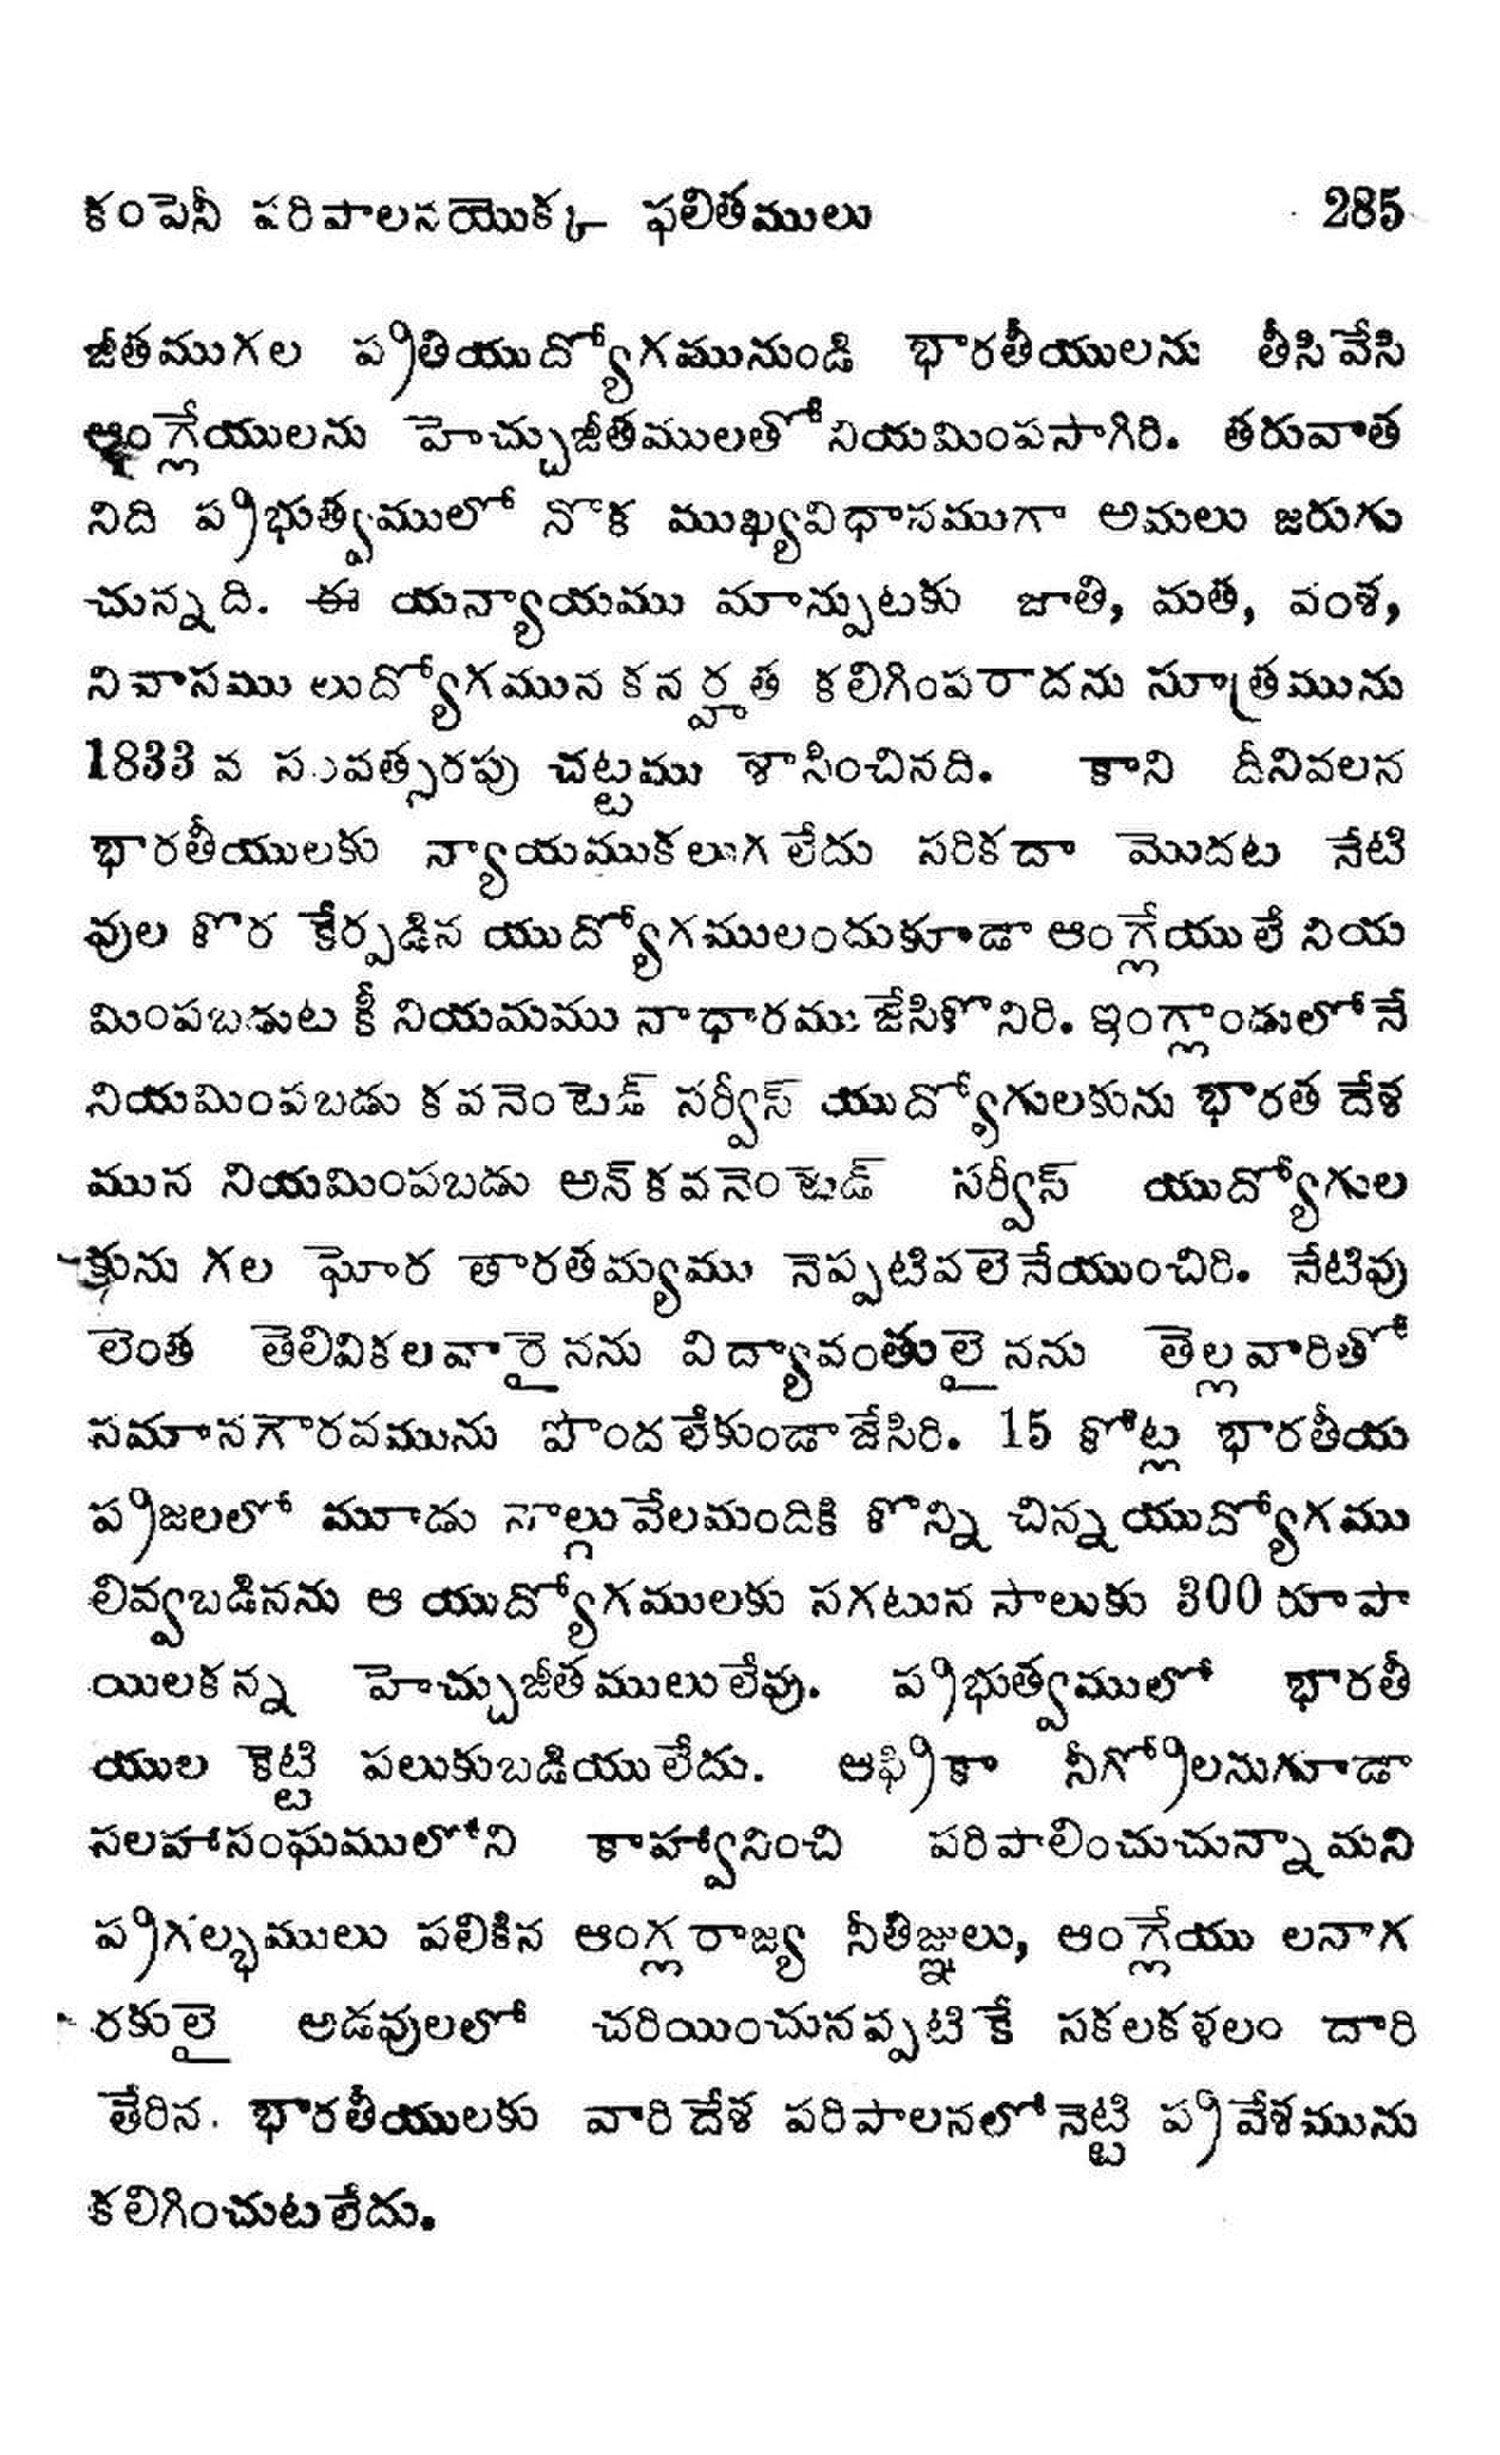జీతముగల ప్రతియుద్యోగమునుండి భారతీయులను తీసివేసి ఆంగ్లేయులను హెచ్చుజీతములతో నియమింపసాగిరి. తరువాత నిది ప్రభుత్వములో నొక ముఖ్యవిధానముగా అమలు జరుగుచున్నది. ఈ యన్యాయము మాన్పుటకు జాతి, మత, వంశ, నివాసము లుద్యోగమున కనర్హత కలిగింప రాదను సూత్రమును 1833 వ సంవత్సరపు చట్టము శాసించినది. కాని దీనివలన భారతీయులకు న్యాయముకలుగలేదు సరికదా మొదట నేటివుల కొర కేర్పడిన యుద్యోగములందుకూడా ఆంగ్లేయులే నియమింపబడుట కీ నియమము నాధారము. జేసికొనిరి. ఇంగ్లాండులోనే నియమింపబడు కవనెంటెడ్ సర్వీస్ యుద్యోగులకును భారతదేశమున నియమింపబడు అన్‌కవనెంటడ్ సర్వీస్ యుద్యోగులకును గల ఘోర తారతమ్యము నెప్పటివలెనేయుంచిరి. నేటివు లెంత తెలివికలవారైనను విద్యావంతులైనను తెల్లవారితో సమానగౌరవమును పొందలేకుండాజేసిరి. 15 కోట్ల భారతీయ ప్రజలలో మూడు నాల్గువేలమందికి కొన్ని చిన్న యుద్యోగము లివ్వబడినను ఆ యుద్యోగములకు సగటున సాలుకు 300 రూపాయిలకన్న హెచ్చుజీతములు లేవు. ప్రభుత్వములో భారతీయుల కెట్టి పలుకుబడియులేదు. ఆఫ్రికా నీగ్రోలనుగూడా సలహాసంఘములోని కాహ్వానించి పరిపాలించుచున్నామని ప్రగల్భములు పలికిన ఆంగ్లరాజ్య నీతిజ్ఞులు, ఆంగ్లేయు లనాగరకులై అడవులలో చరియించునప్పటికే సకలకళలం దారితేరిన. భారతీయులకు వారిదేశ పరిపాలనలోనెట్టి ప్రవేశమును కలిగించుటలేదు.